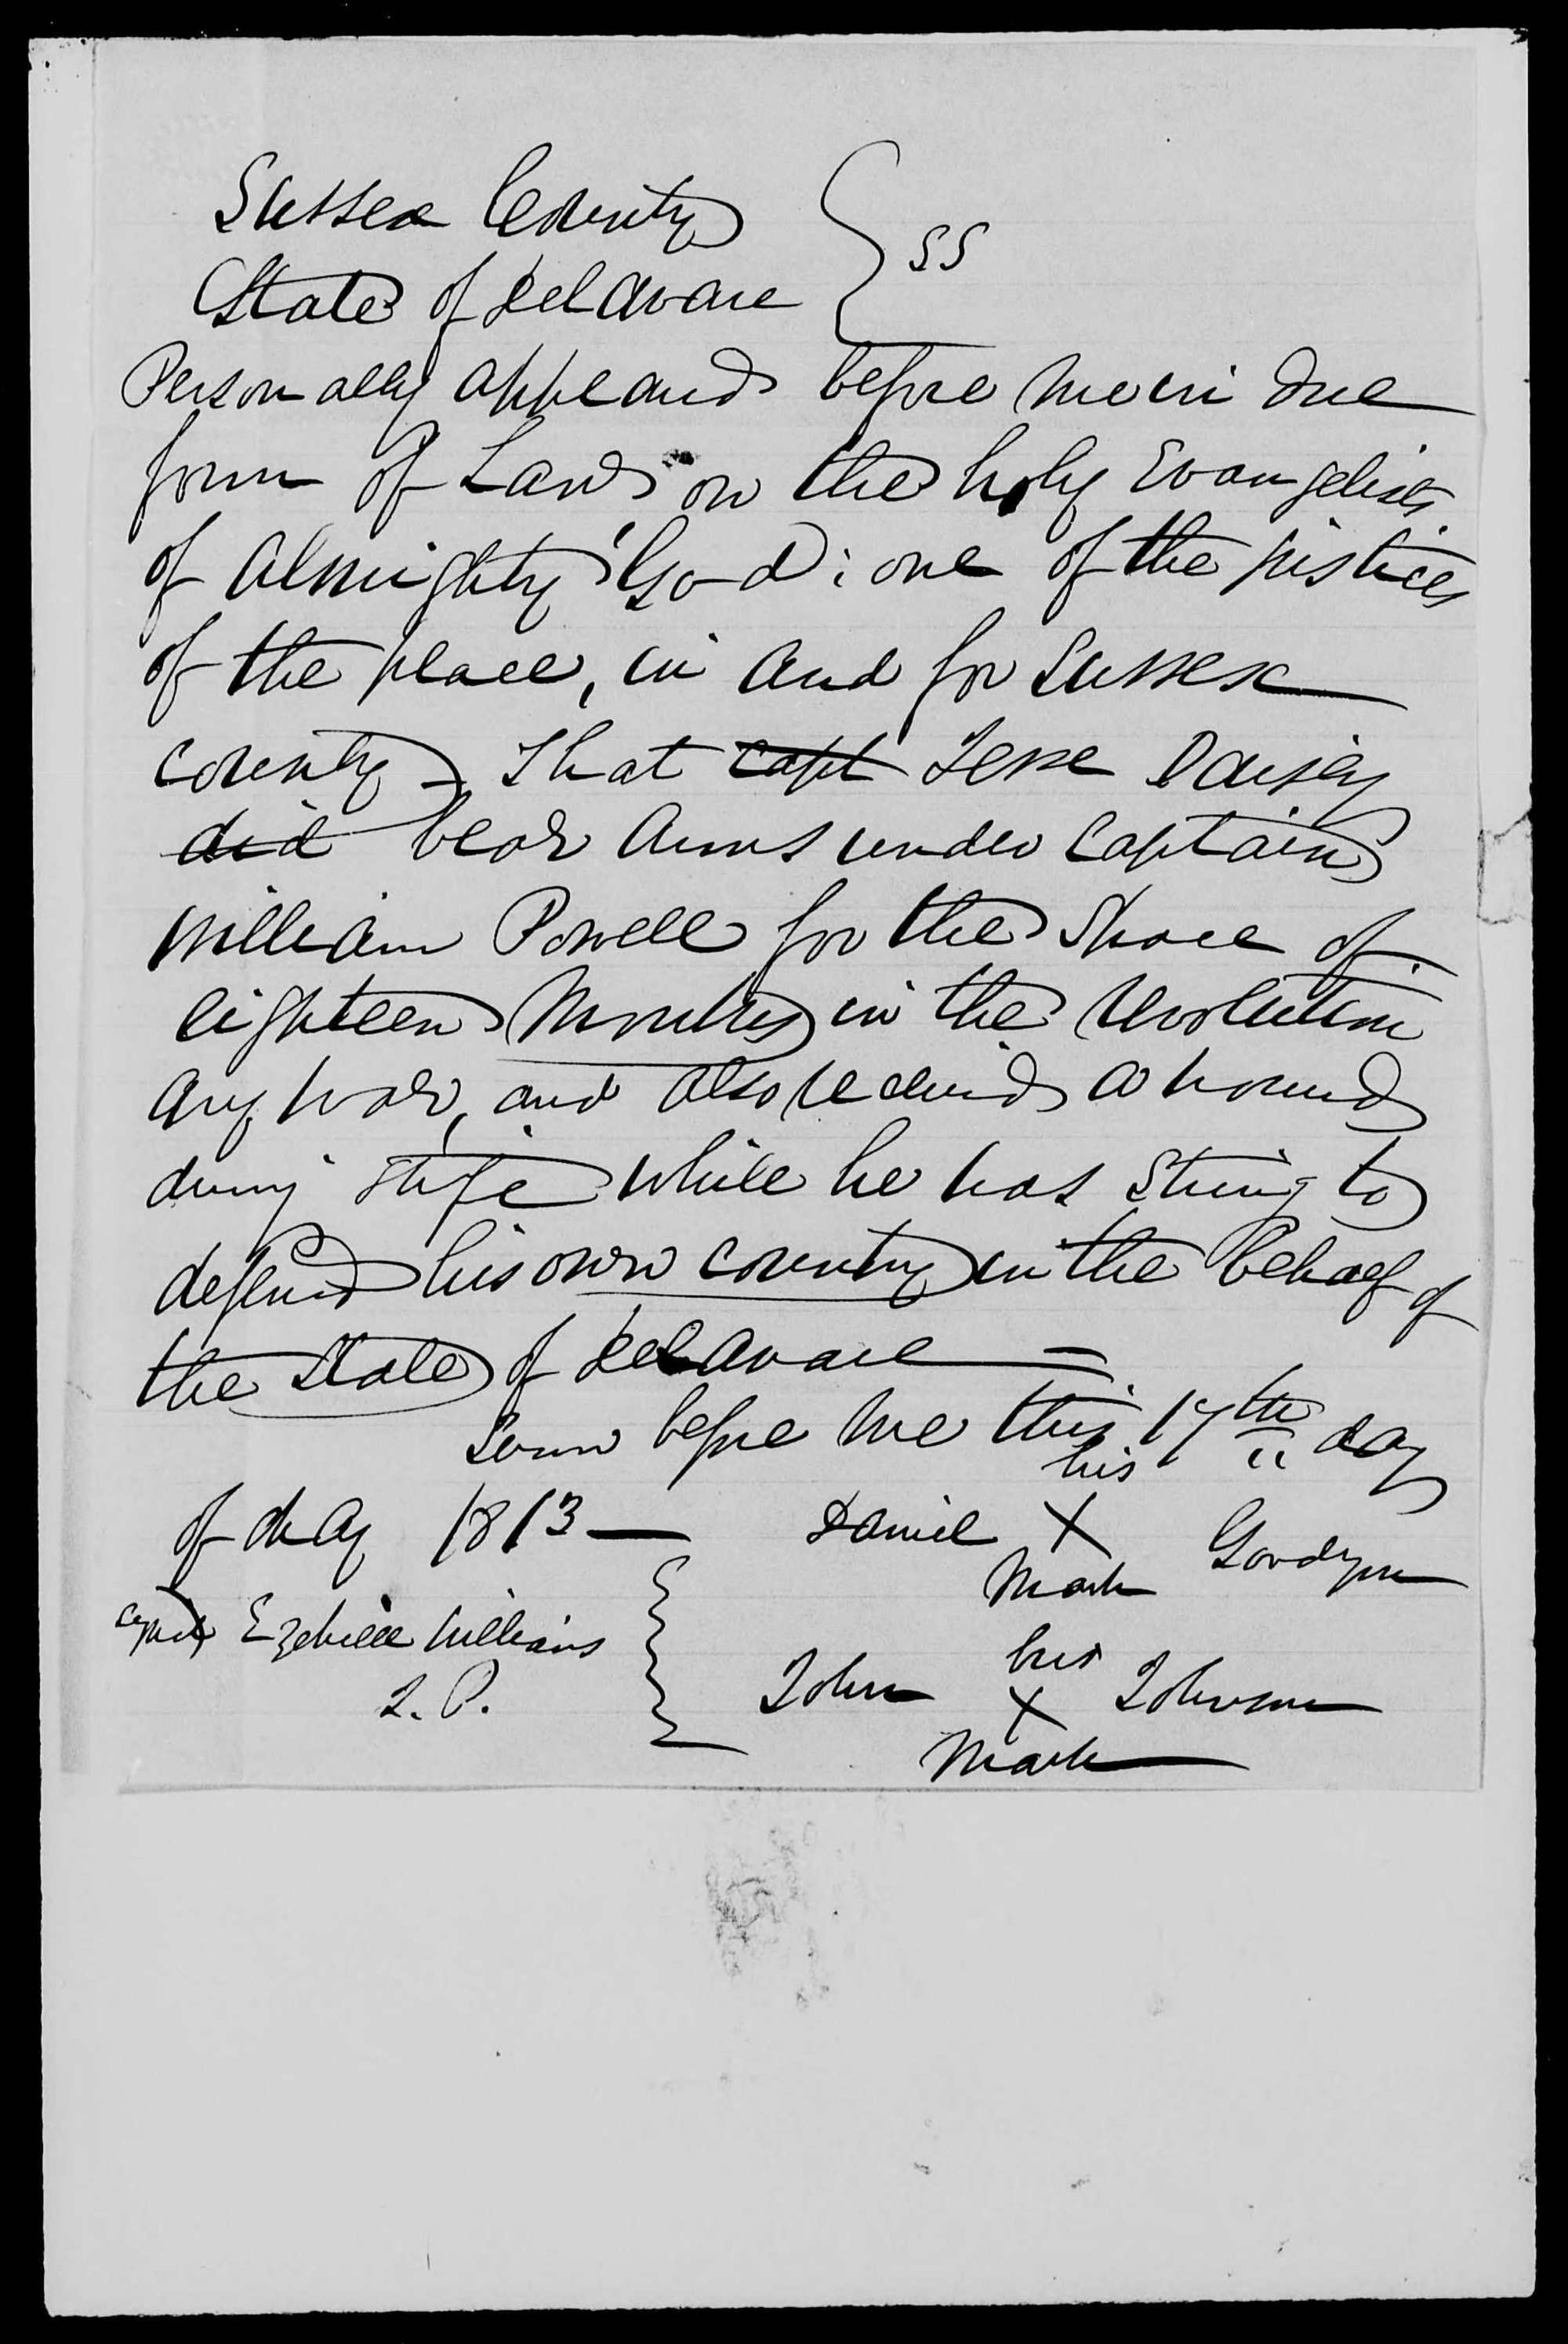Sussex County
State of Delaware   SS
Personally appeared before me in due
form of Land on the holy Evangelists of the place, in and for Sussex County. That Capt Jesse Darsey did bear arms under Captain William Powell for the space of eighteen months in the Revolutionary War and also received a [illegible] [illegible] while he [illegible] [illegible] to defend his own country on the behalf of the State of Delaware.
Sworn before me this 17th  day of July 1813

Ezekiel Williams L.O.
Daniel [his X mark] [illegible]
John [his X mark] [illegible]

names: William Powell, John Johnson, Jesse Daisey, Ezekiel Williams, Daniel Goodyne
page: 15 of 32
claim: rejected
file: R. 2795, Jesse Dazey, Del.